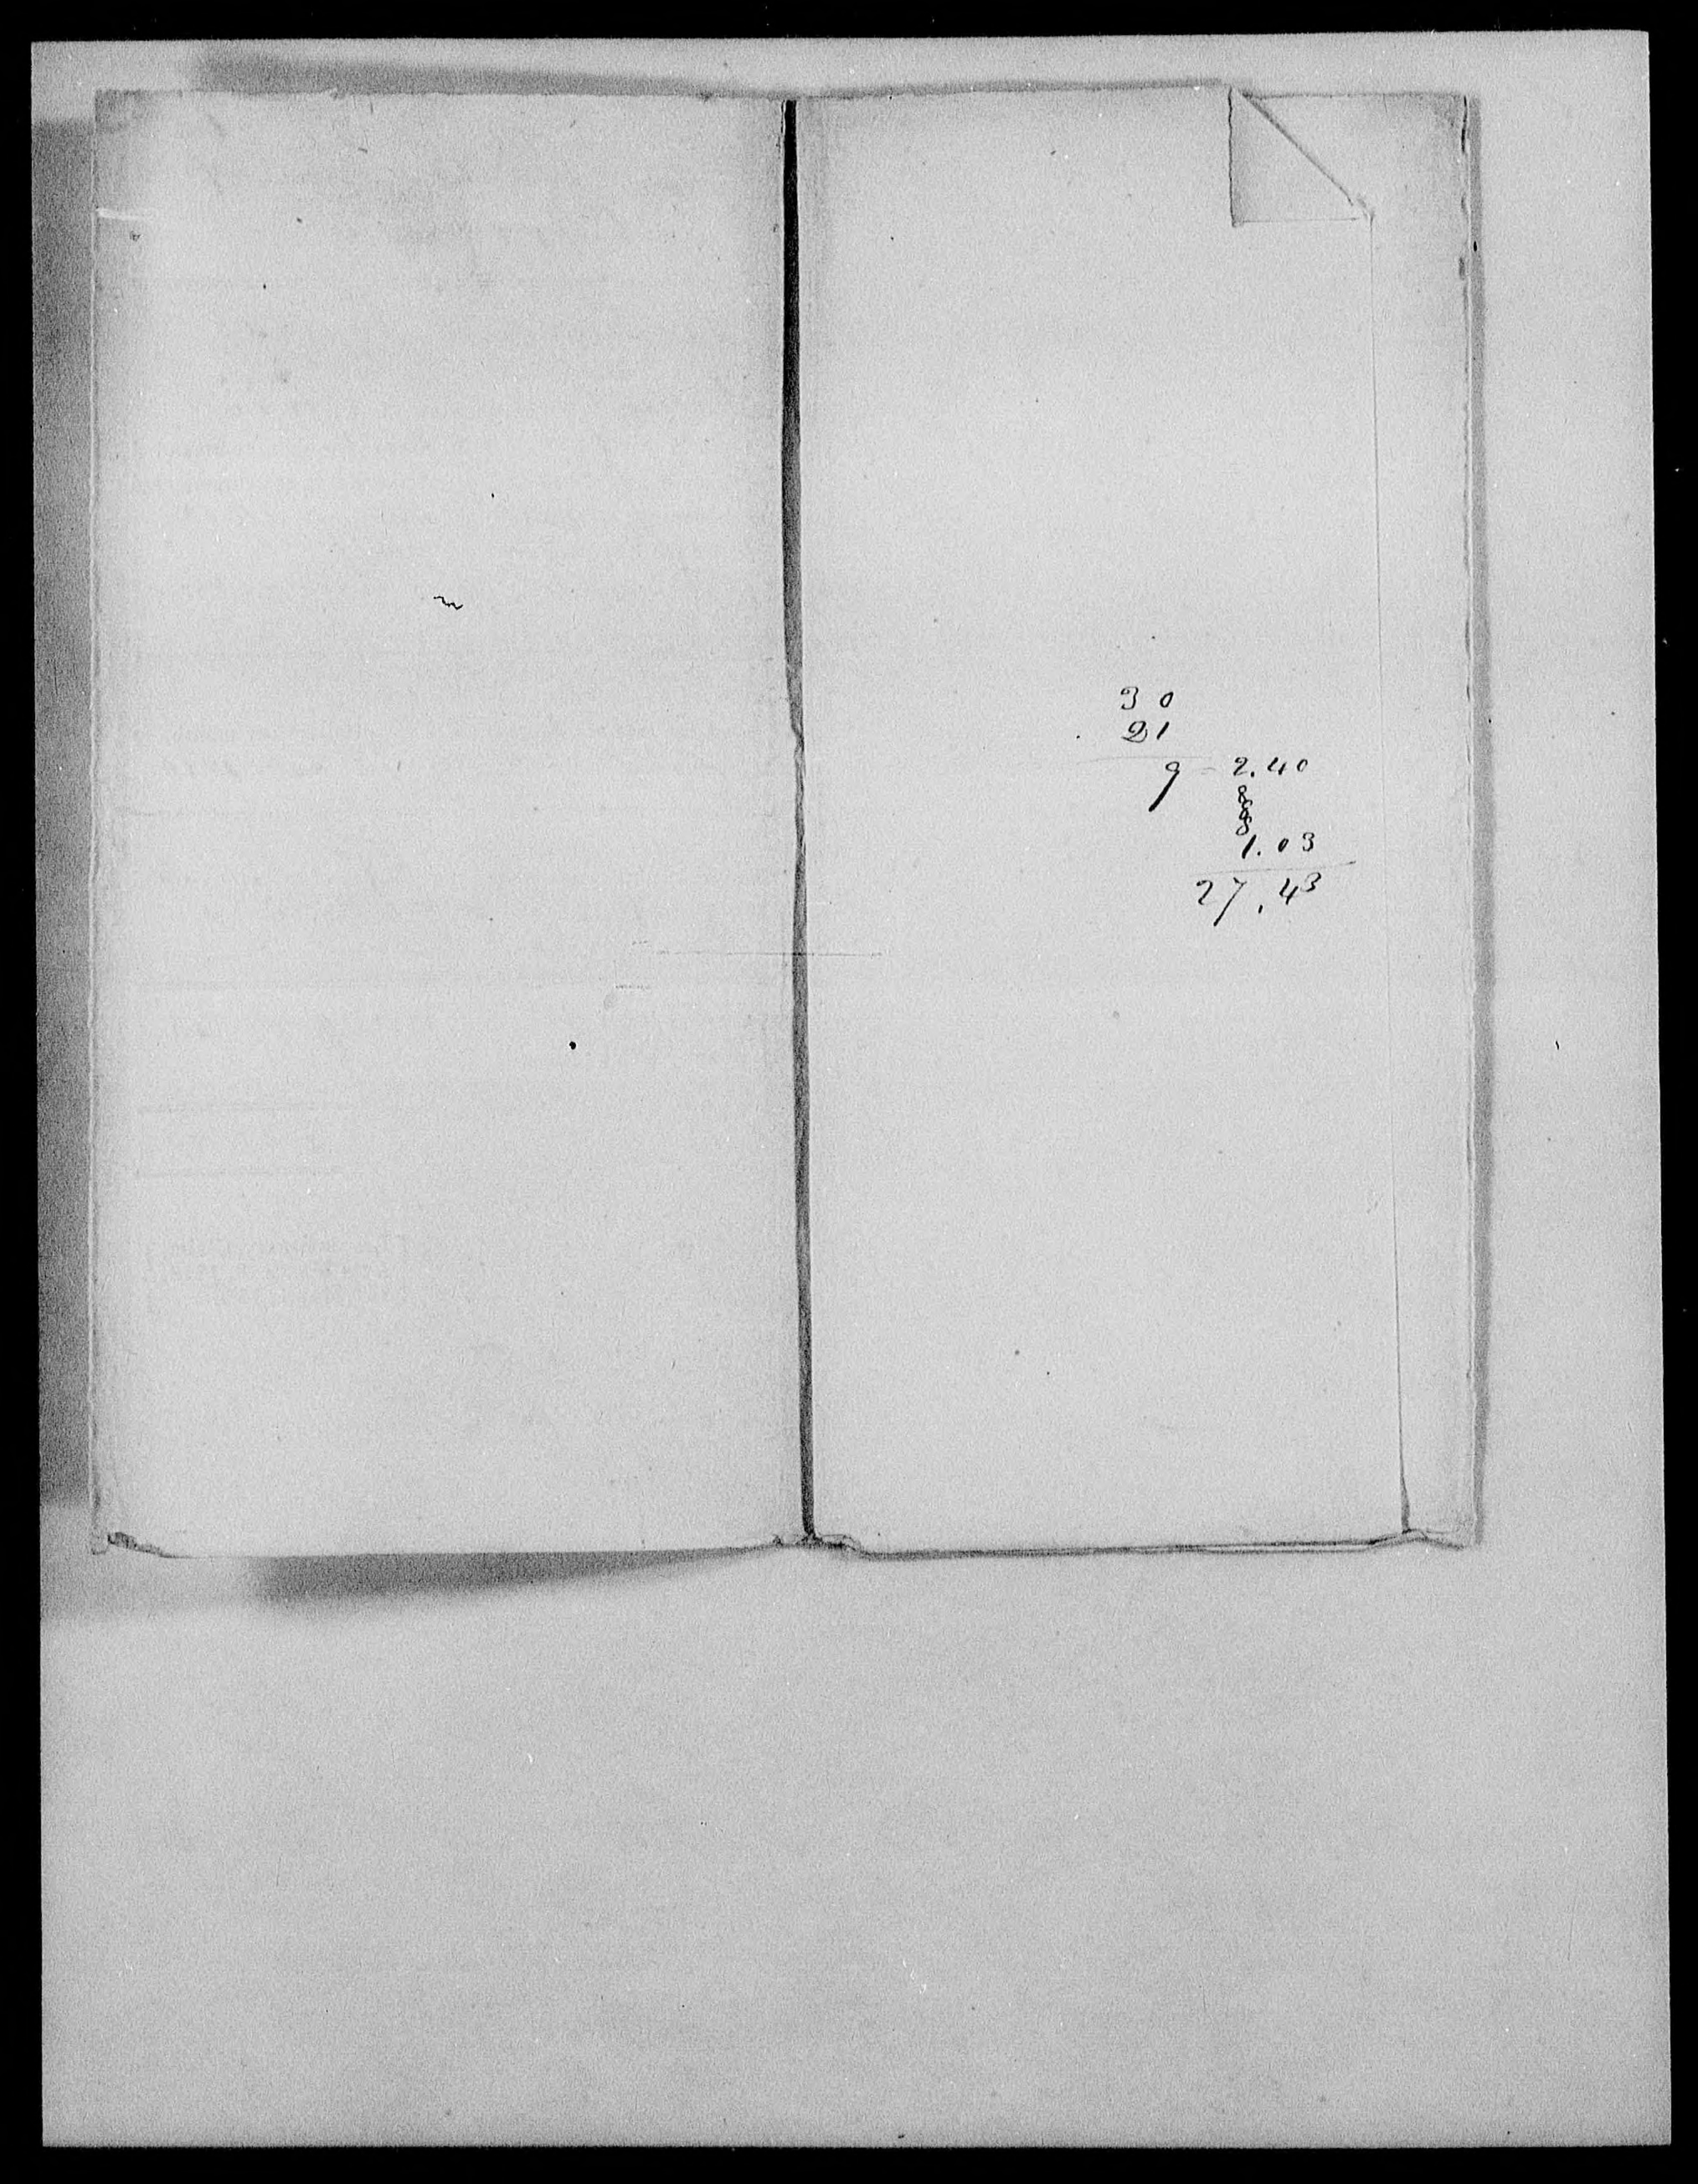30
21
9
2.40
8
8
1.03

27.43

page: 3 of 62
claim: widow's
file: W. 765, for Richard L Jones, Connecticut